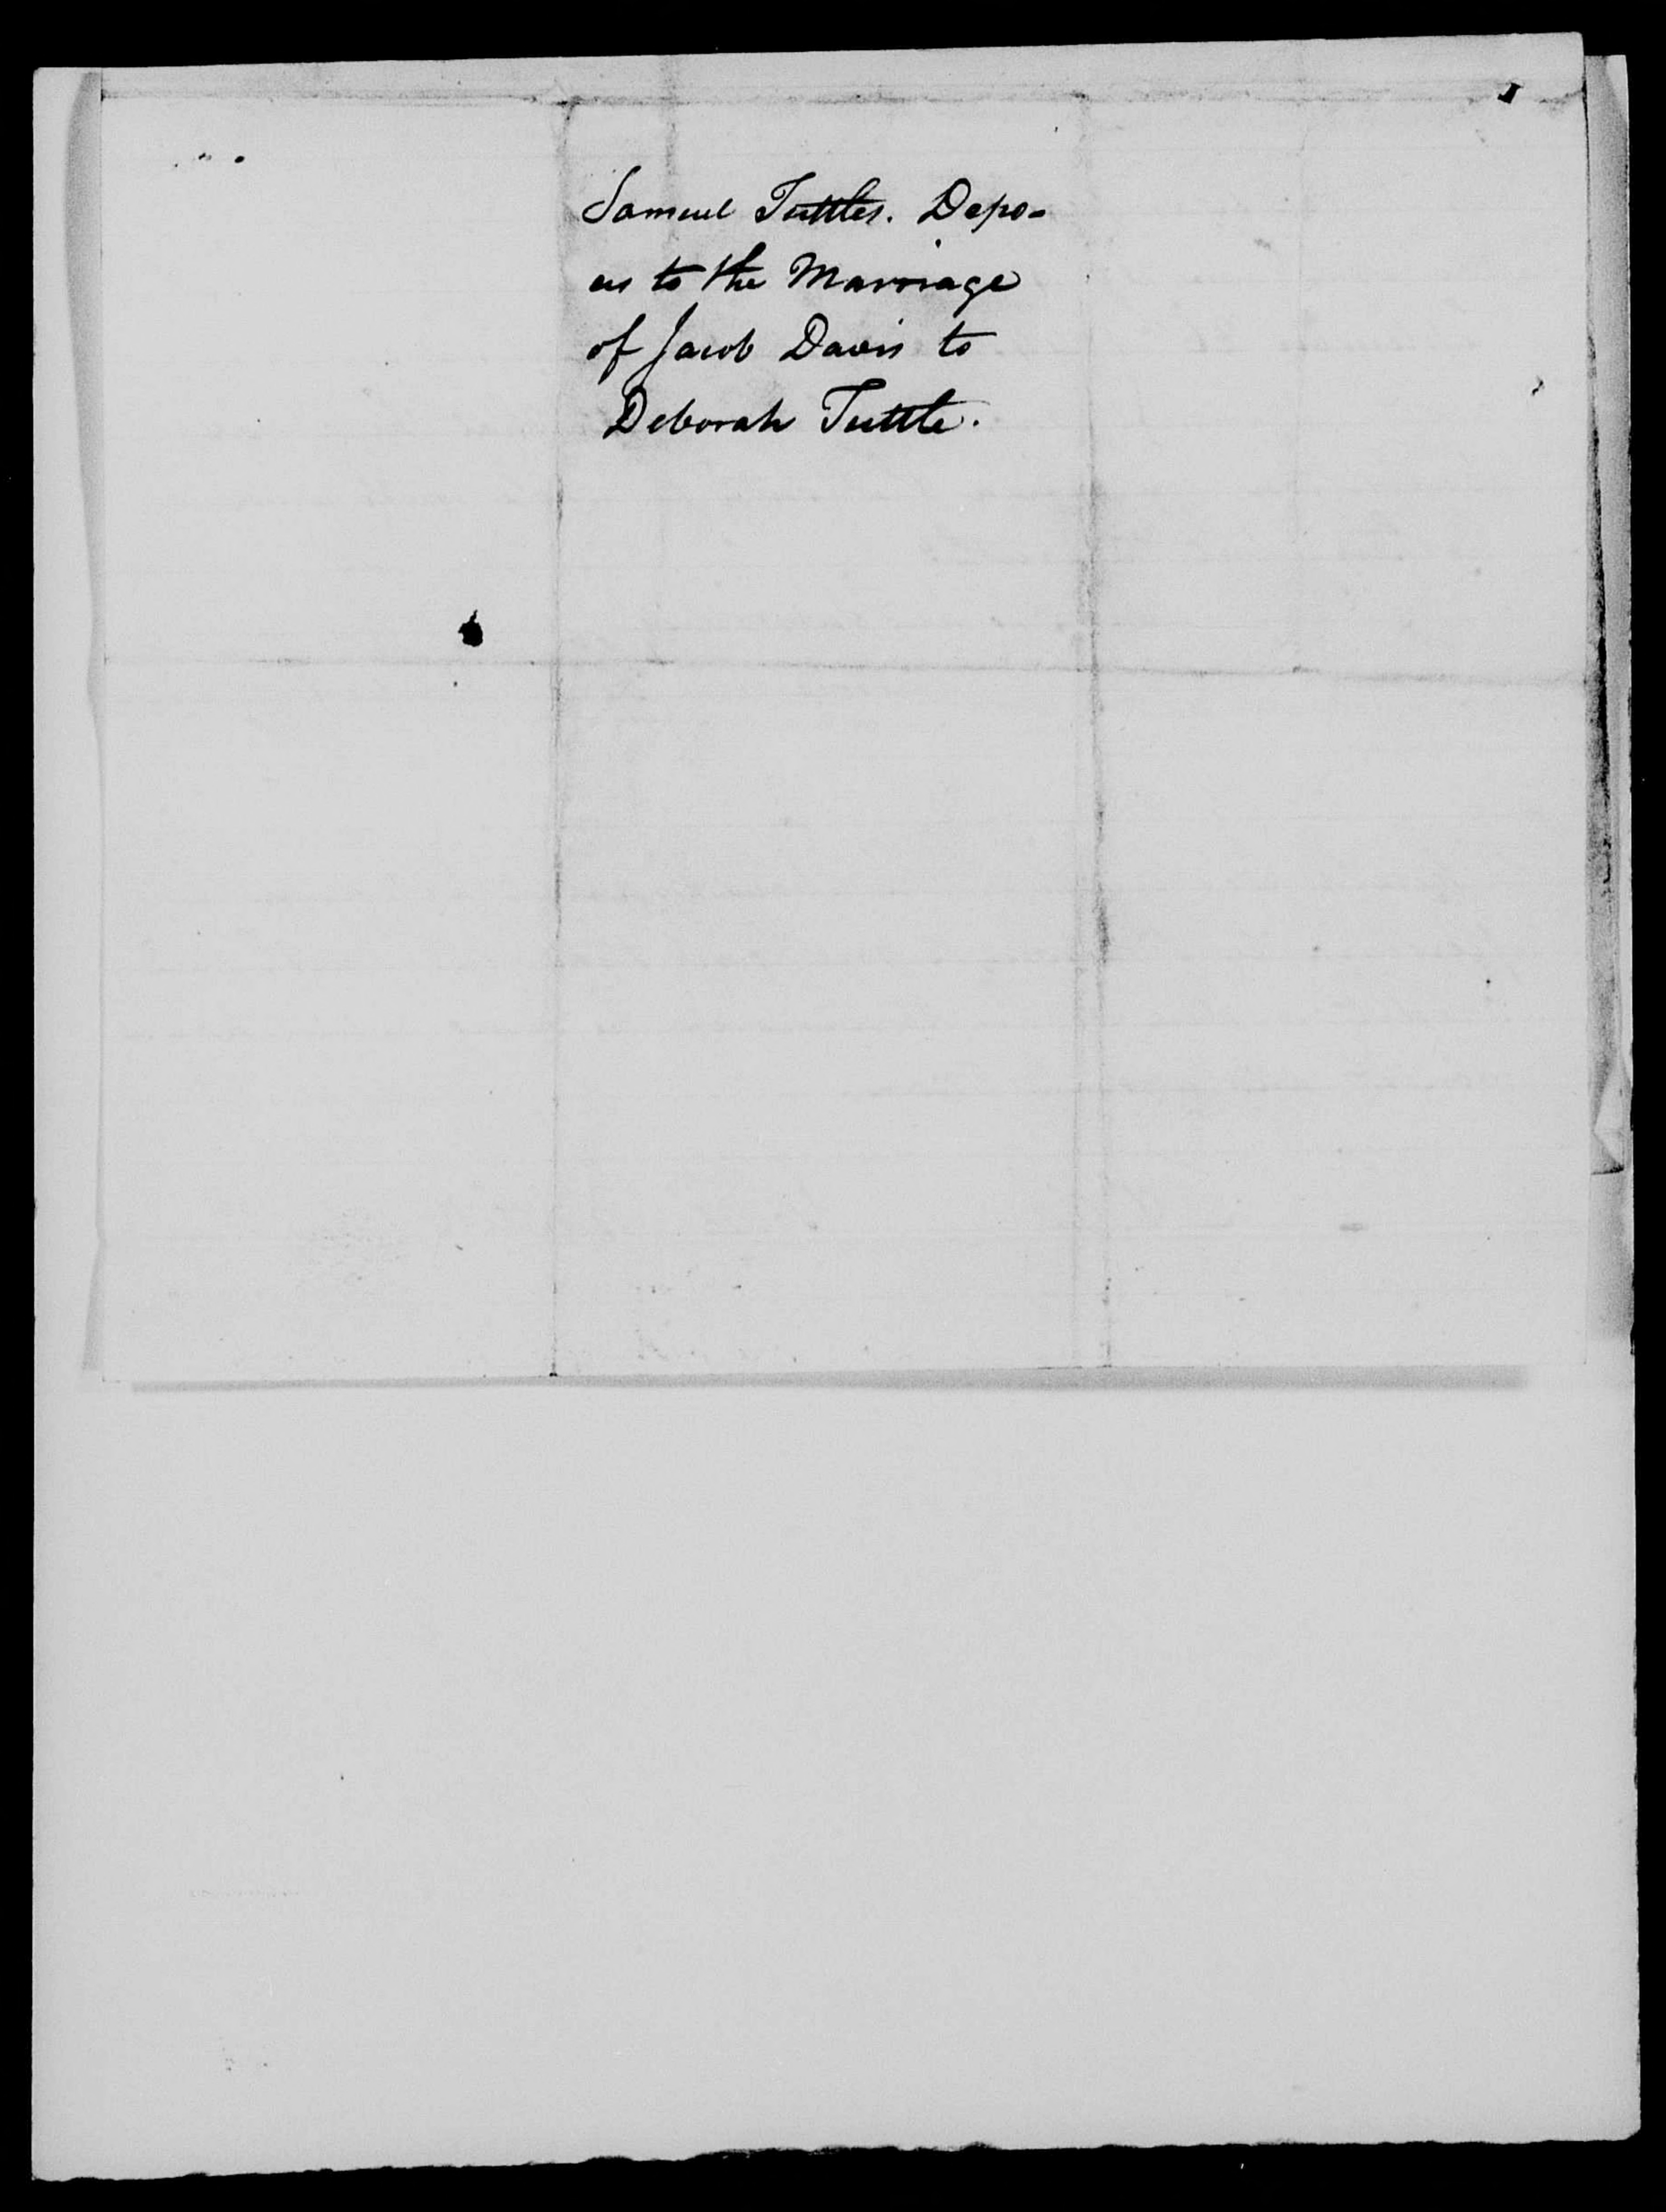Samuel Tuttle[']s Depo [Deposition] as to the Marriage of Jacob Davis to Deborah Tuttle.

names: Jacob Davis, Deborah Tuttle, Samuel Tuttle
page: 34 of 47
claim: widow's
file: W. 24043, Jacob Davis, N.H.